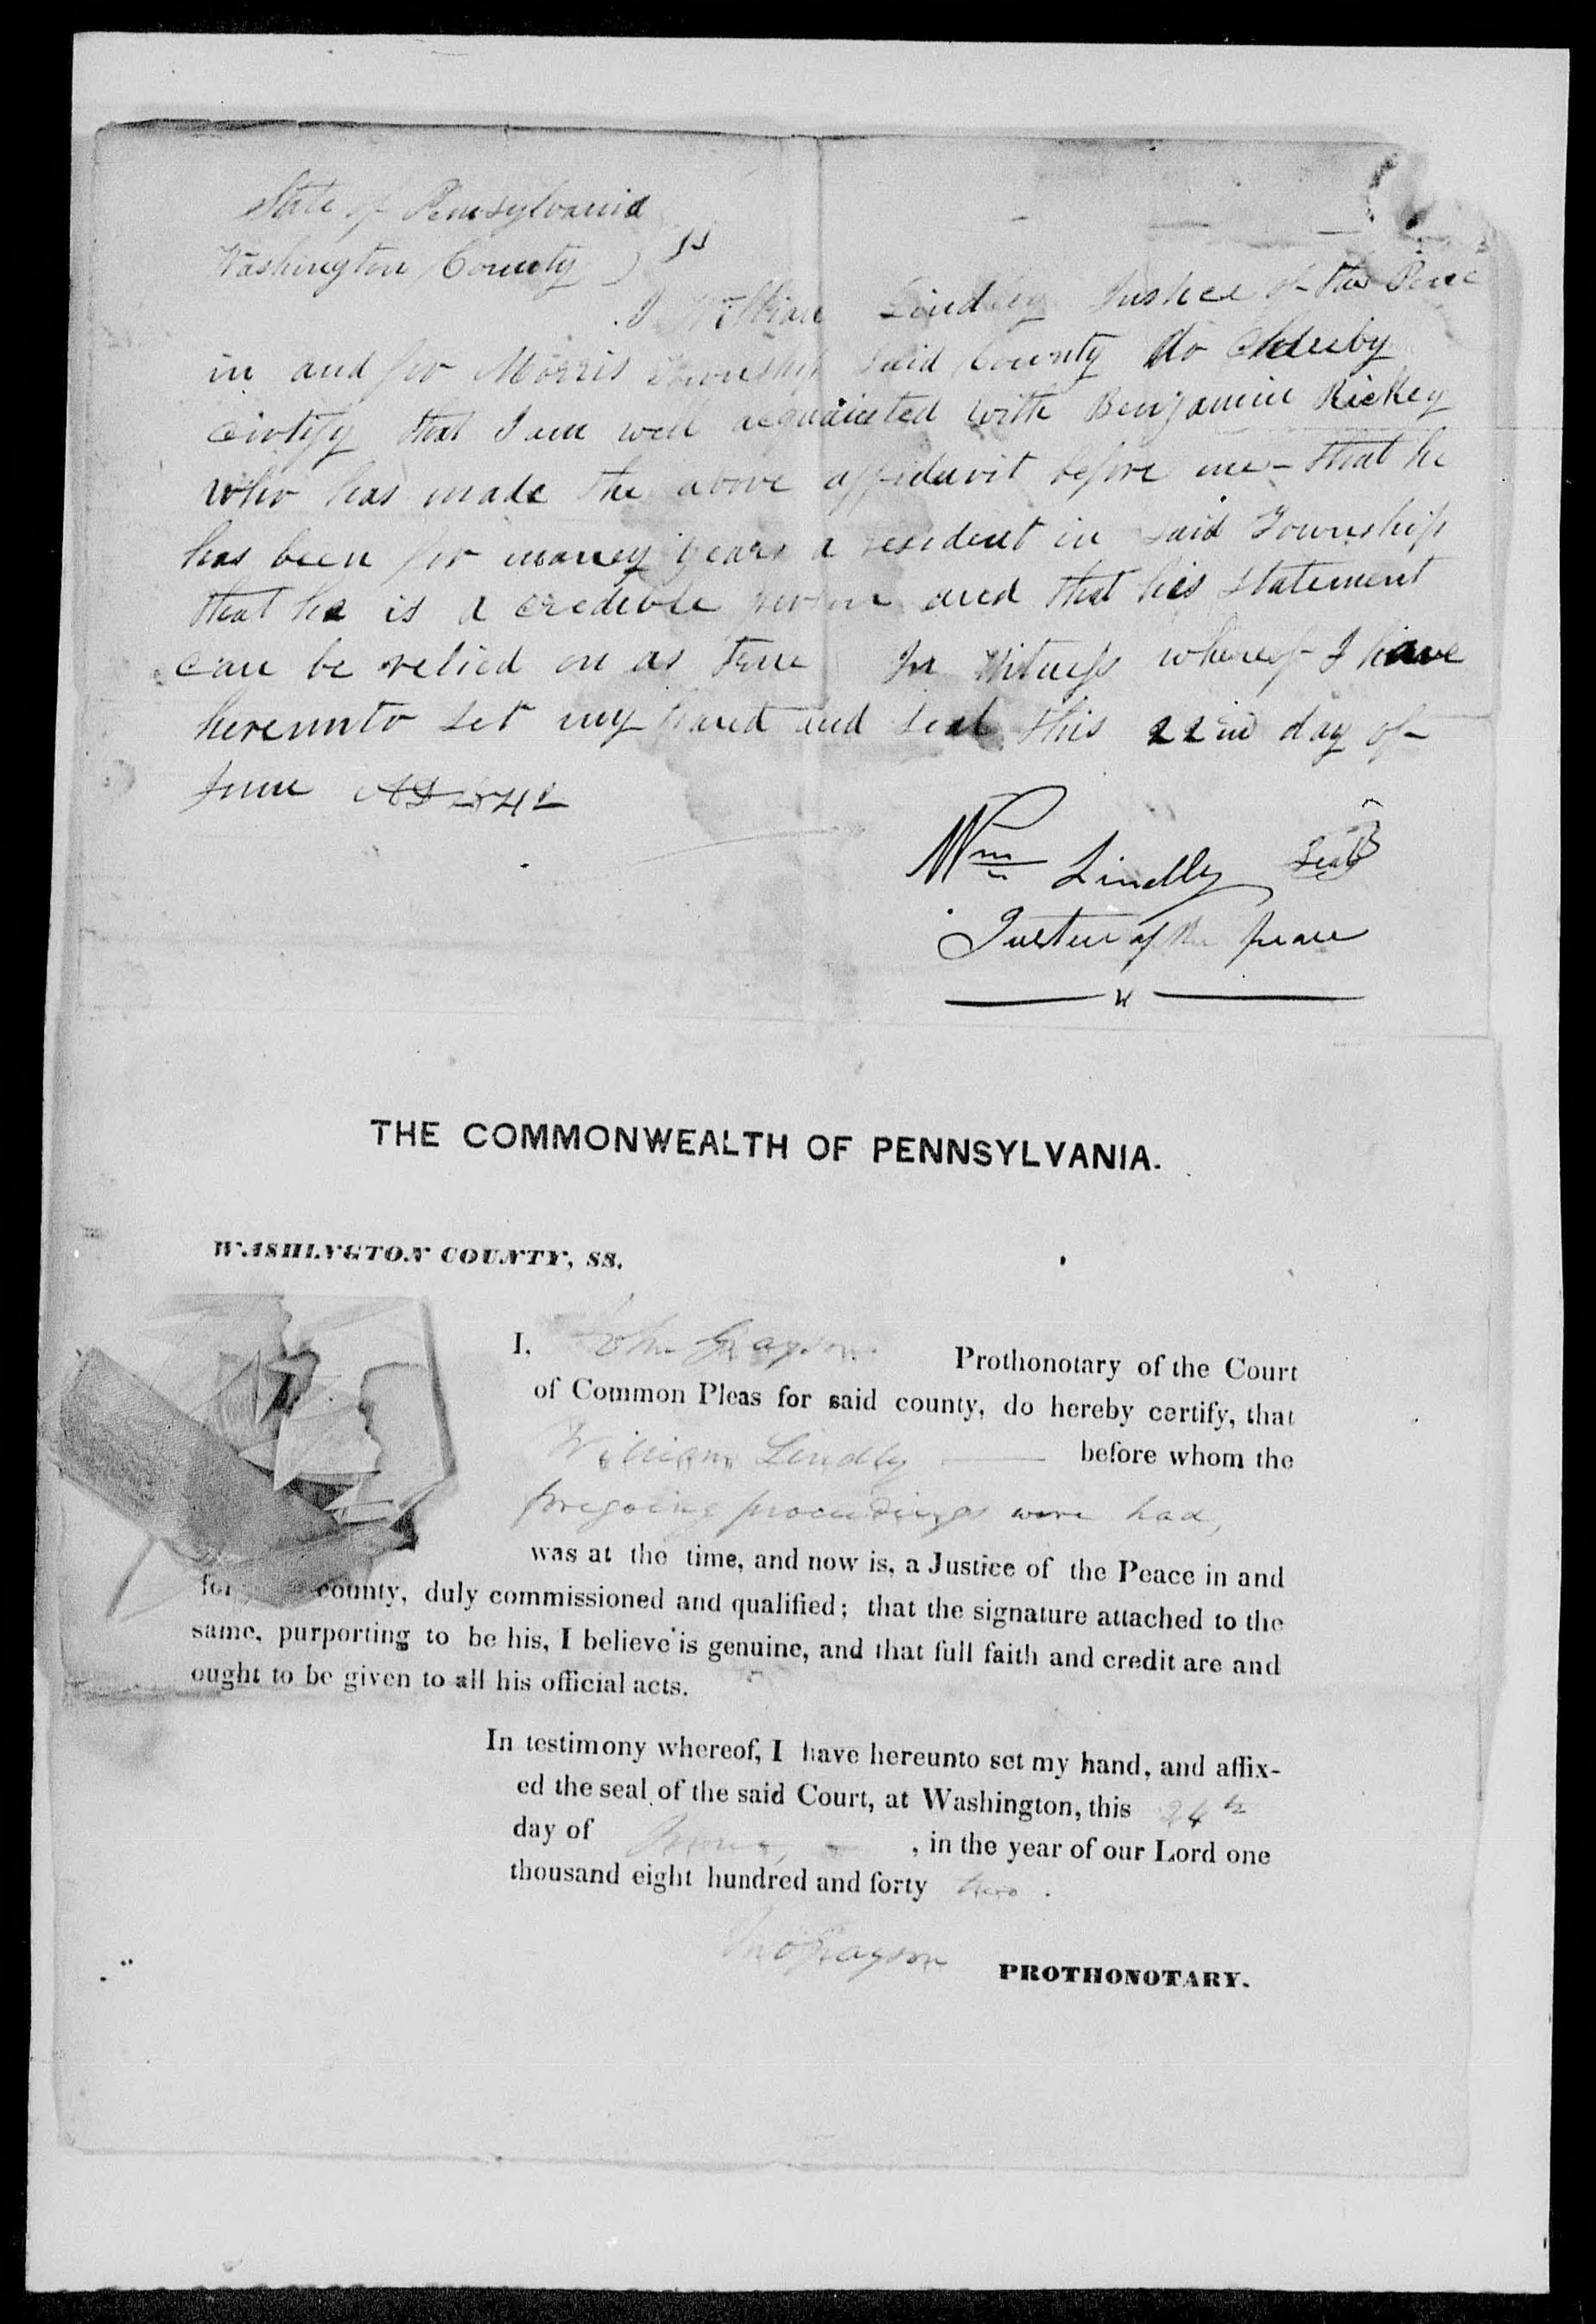State of Pennsylvania
Washington County }ss.
I William Lindly, Justice of the Peace in and for Morris Township said county do hereby certify that I am well acquainted with Benjamin Rickey who has made the above affidavit before me; that he has been for many years a resident in said township; that he is a credible person and that his statement can be relied on as true for witness.  Whereof I have hereunto set my hand and seal this 22nd day of June AD 1842
Wm. Lindly
Justice of the Peace

The Commonwealth of Pennsylvania
Washington County, SS.
I, John Grayson Prothonotary of the Court of Common Pleas for said county, do hereby certify, that William Lindly before whom the foregoing proceedings were had, was at the time, and now is, a Justice of the Peace in and for said county, duly commissioned and qualified; that the signature attached to the same, purporting to be his, I believe is genuine, and that full faith and credit are and ought to be given to all his official acts. 
In testimony whereof, I have hereunto set my hand, and affixed the seal of the said Court, at Washington this 24th day of June, in the year of our Lord one thousand eight hundred and forty two.
Jno Grayson Prothonotary.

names: John Grayson, William Lindly, Benjamin Rickey, Wm Lindly, Jno Grayson, Willian Lindley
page: 32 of 35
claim: rejected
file: R. 2066, William Clutter, New Jersey